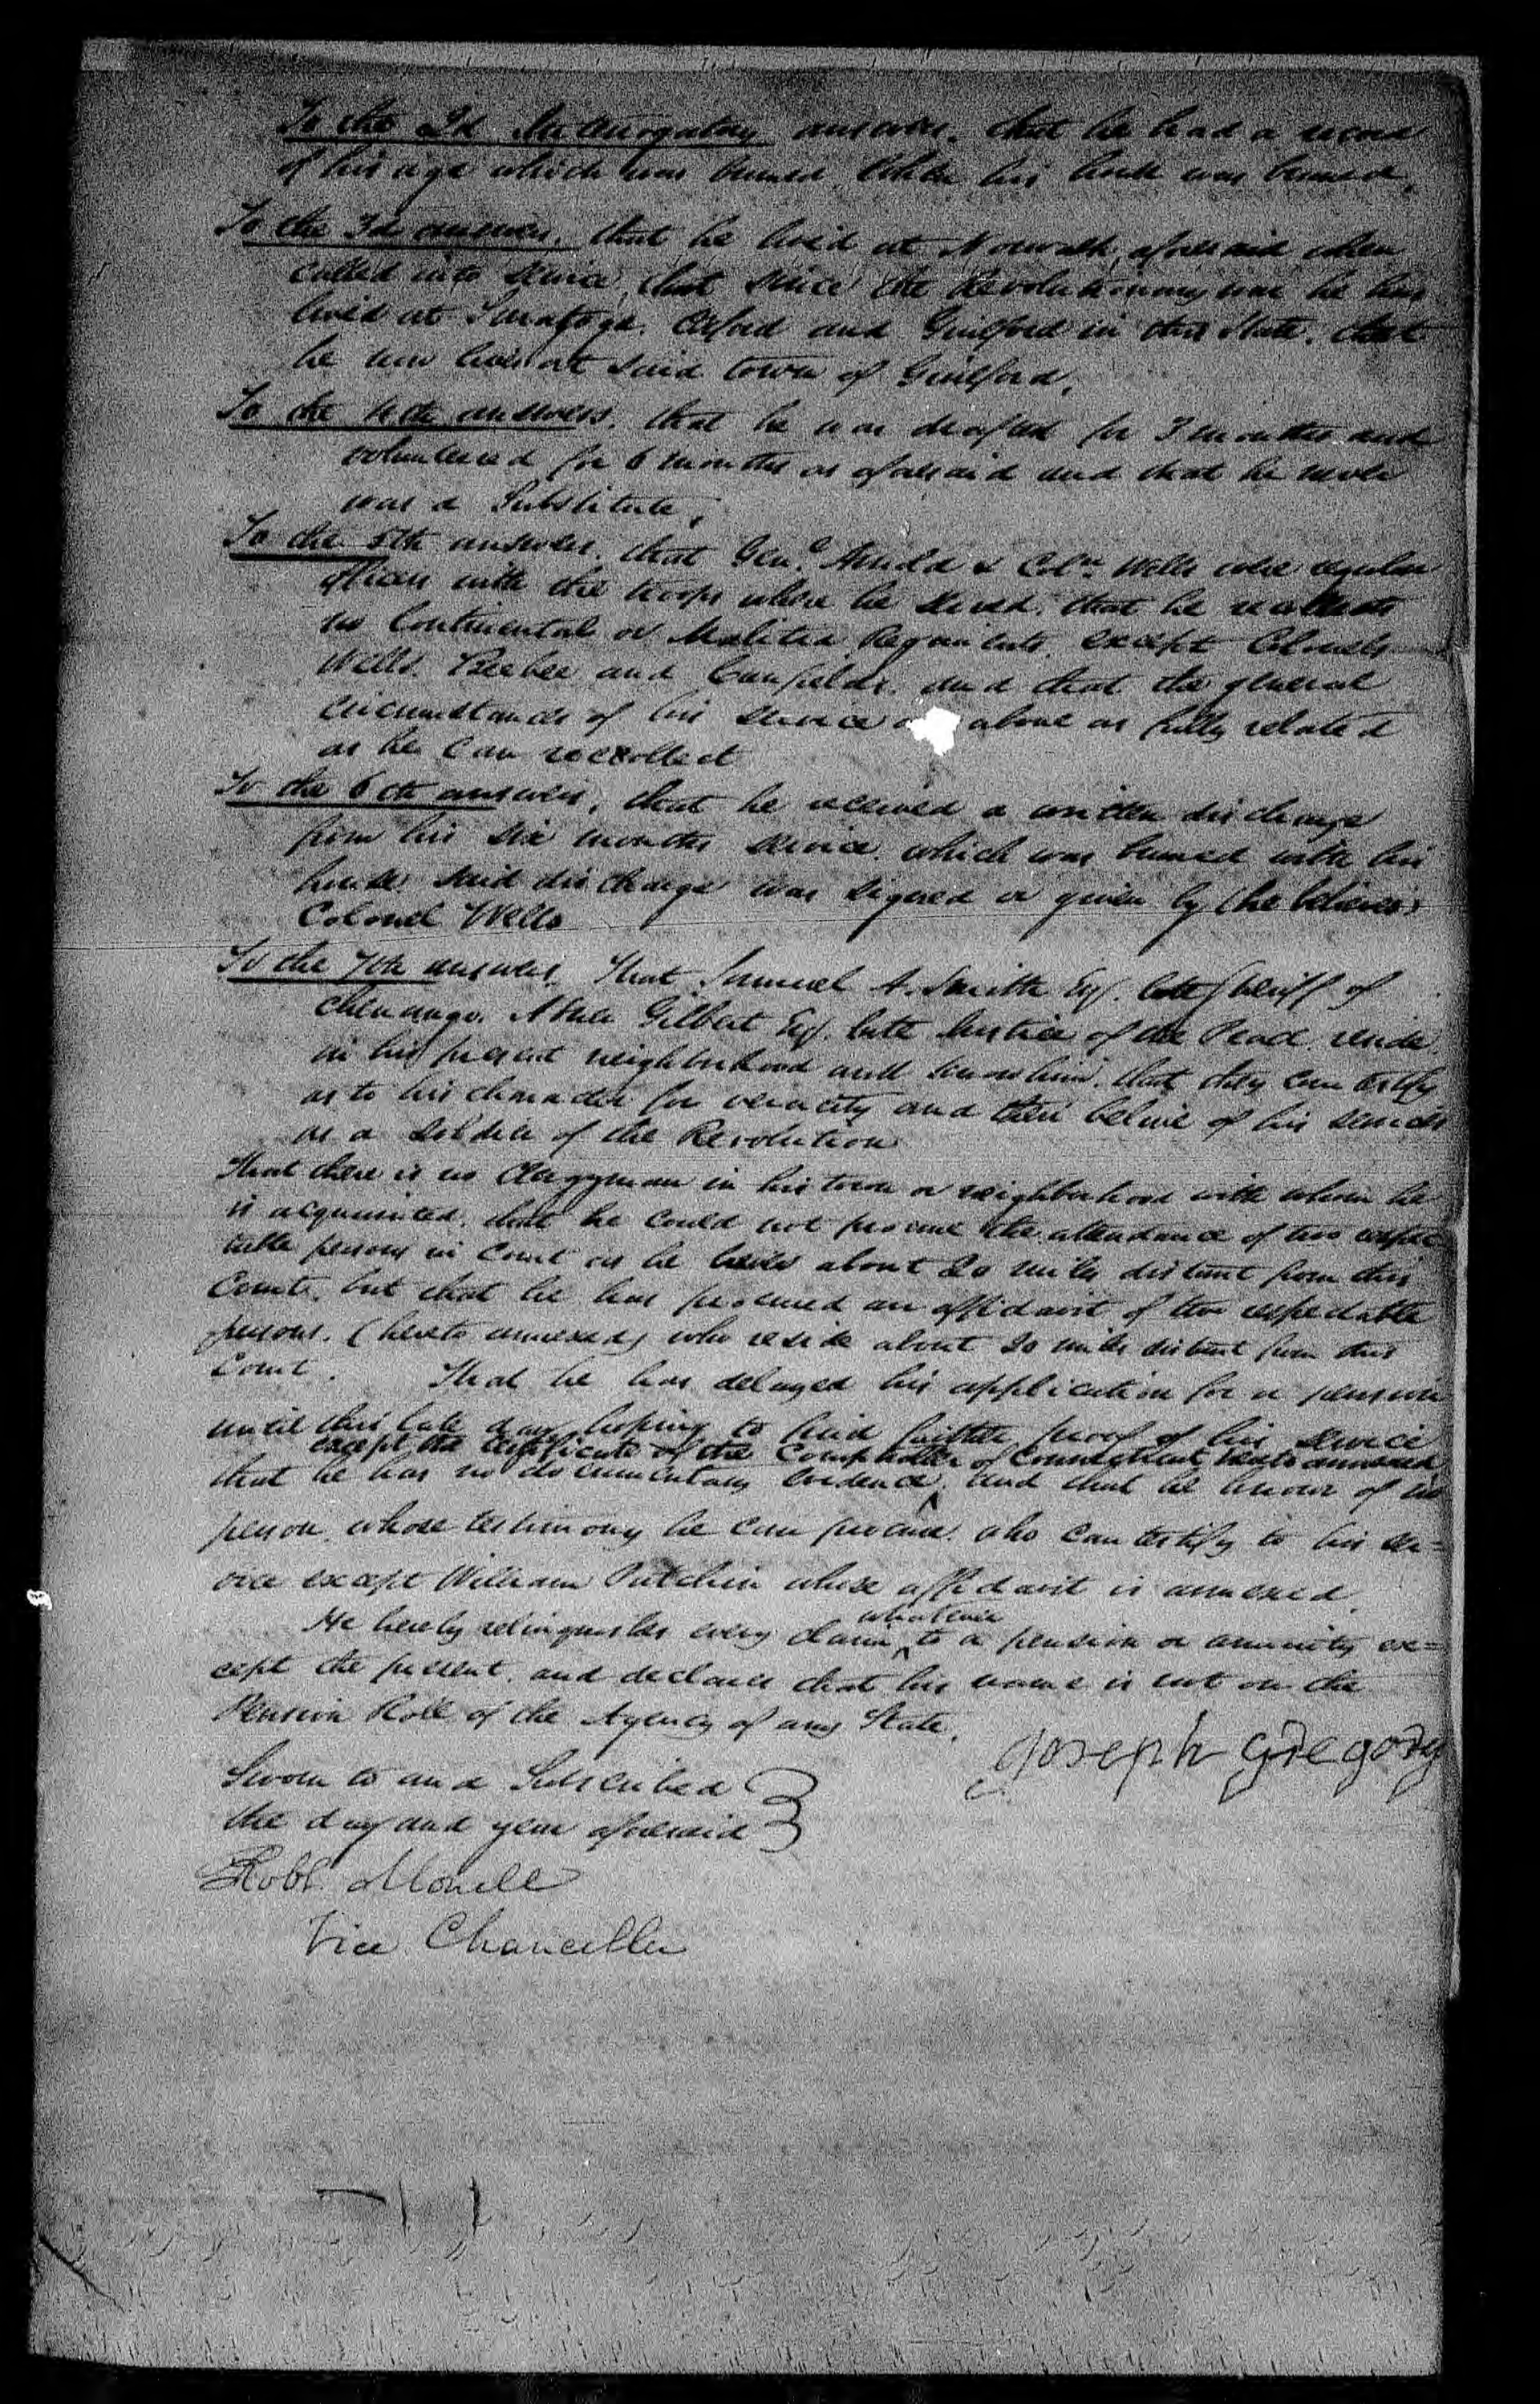To the 2nd Interrogator [underlined] answer that he had a record of his age which was burned that his house was burned

To the 3d     answer  [underlined]  that he lived at Norwalk when called into service, that since the Revolutionary war he has lived in Saratoga, Oxford and Guilford in that State, that he now lives at said town of Guilford.

To the 4th    answer  [underlined]    that he was drafted for 3 months and volunteered for 6 months as aforesaid and he that he never was a Substitute.

To the 5th [underlined] answer, that Genl Arnold & Col Wells were  regular officers with the troops where he served   that he [illegible] at  Continental or Militia Regiments except Col Wells, Beebe  and Canfield, and that the general circumstances of his service  [word  obliterated] above as fully related as he can recollect.

To the 6th  [underlined]  answer, that he received a written discharge from his six months service which was burned with his house; said discharge was signed or [illegible] by the [illegible] Colonel Wells

To the 7th [underlined]  answer, That Samuel A Smith Esq. Sheriff of Chenango, Abner Gilbert Esq late Justice of the Peace reside in his main neighborhood and know him, that they can testify as to his character for veracity and they believe of his service as a soldier of the Revolution


That three of us Clergymen in his town or neighborhood with wherein he is  acquainted, that he could not procure  the attendance of two acceptable persons in Court as he lives about 20 miles distant from that Court.   That he has delayed his application for a pension until this late day hoping to find further proof of his service that he has no documentary evidence except the Certificate of the Comptroller of Connecticut hereto accorded and that he believes of sd person, whose testimony he can procure, who can testify to
his service except William Patchin whose affidavit is annexed.

He hereby relinquishes every claim whatever [word inserted] to a pension or annuity except the present, and declares that his name is not on the Pension Roll of the Agency for any State.
                   [Signed] Joseph Gregory
Sworn to and Subscribed 
the day and year aforesaid}
[Signed]  Robt. Monell
       Vice Chanceller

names: Abner Gilbert, Robt Monell, Arnold, Beebee, Wells, Samuel A Smith, Wells, William Patchin, Joseph Gregory, Wells, Canfield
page: 5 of 34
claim: widow's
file: W. 1596, Joseph Gregory, Conn.